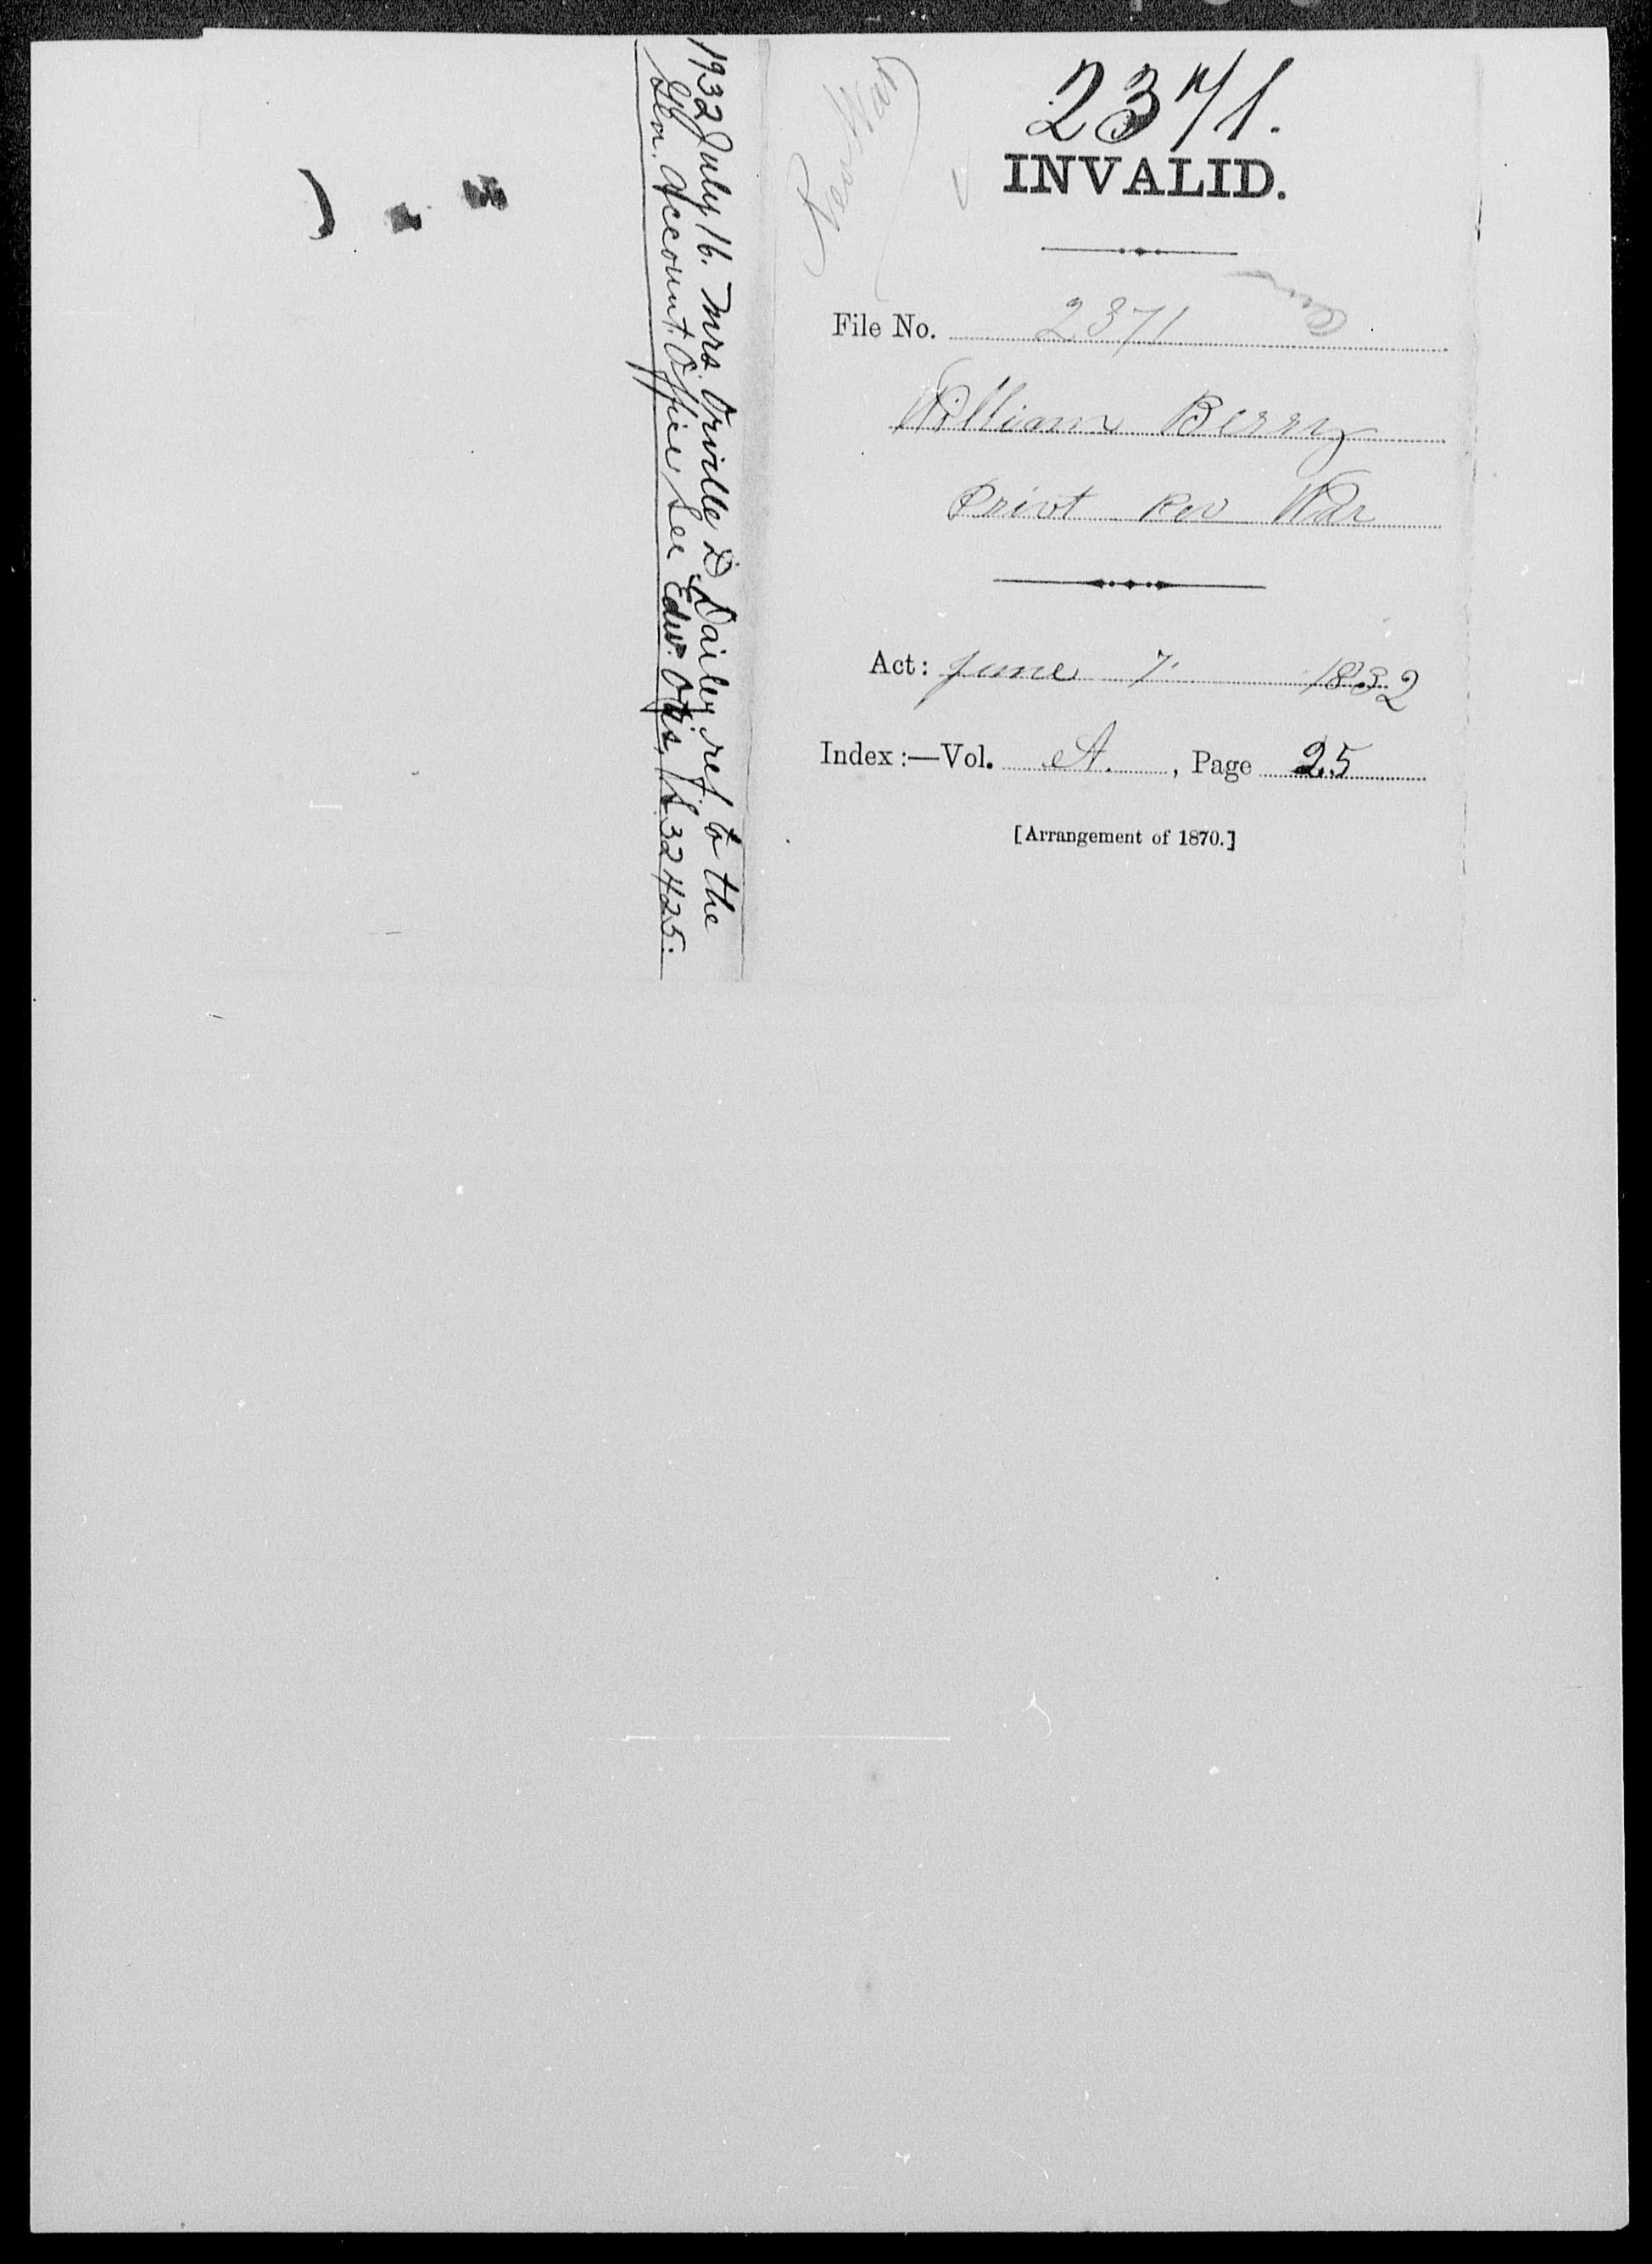[typed form, with handwritten responses]

[left side written sideways] 1932 July 16. Mrs. Orville D. Dailey ref. to the Gen. Account. Office See Edw [Edward] Otis, S.32425

[right side] Rev War 2371 
Invalid. Own
File No. 2371 
William Berry 
Privt [Private] Rev War 
Act: June 7 1832 
Index:-Vol. A, Page 25 

[Arrangement of 1870]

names: William Berry, Edw Otis, Orville D Dailey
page: 15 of 21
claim: survivor's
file: S. 2,371, William Berry, Va.